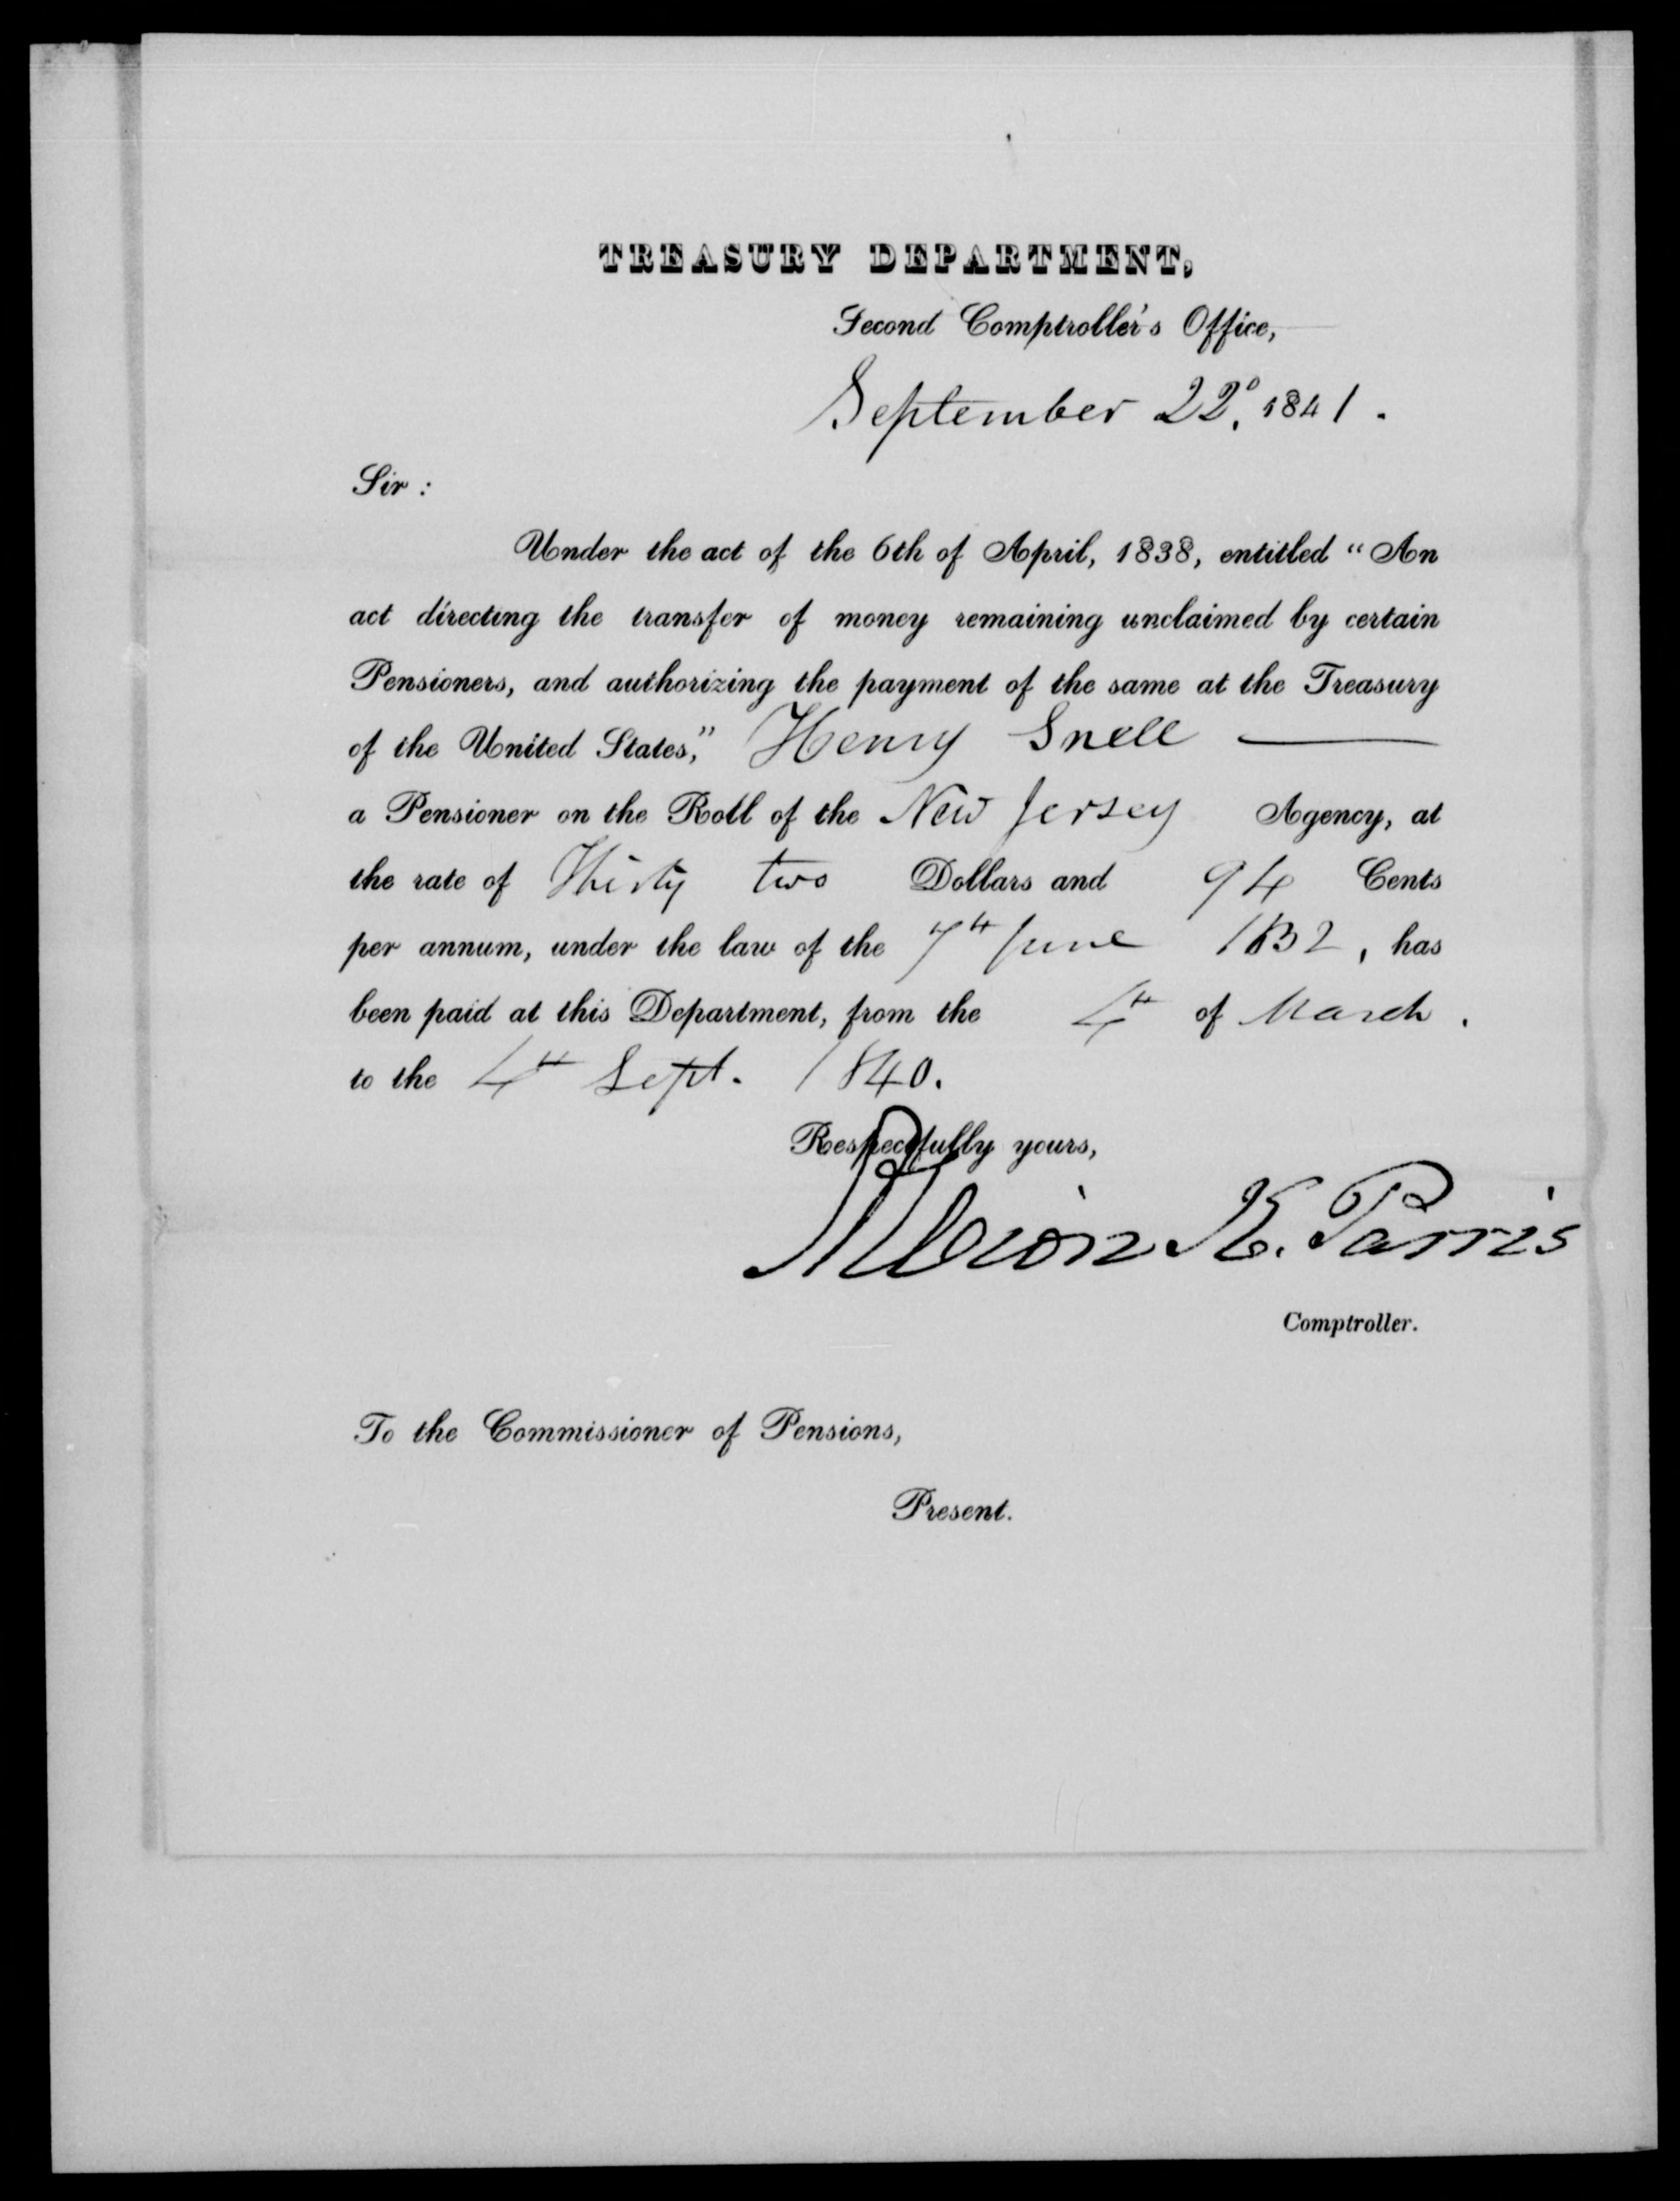Treasury Department
Second Comptroller's Office
September 22, 1841

Sir:

Under the act of the 6th of April, 1838, entitle "An act directing the transfer of money remaining unclaimed by certain Pensioners, and authorizing the payment of the same at the Treasury of the United States," Henry Snell  - a Pensioner on the Roll of New jersey Agency, at the rate of Thirty two Dollars and 94 Cents per annum, under the law of the 7th June 1832, has bee paid at this Department, from the 4th of March to the 4th Sept, 1840.

Respectfully yours, 
Albion K Parris
Comptroller

To the Commissioner of Pensions, 
Present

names: Albion K Parris; Henry Snell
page: 25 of 27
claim: rejected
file: R. 9,892, for Henry Snell, New Jersey